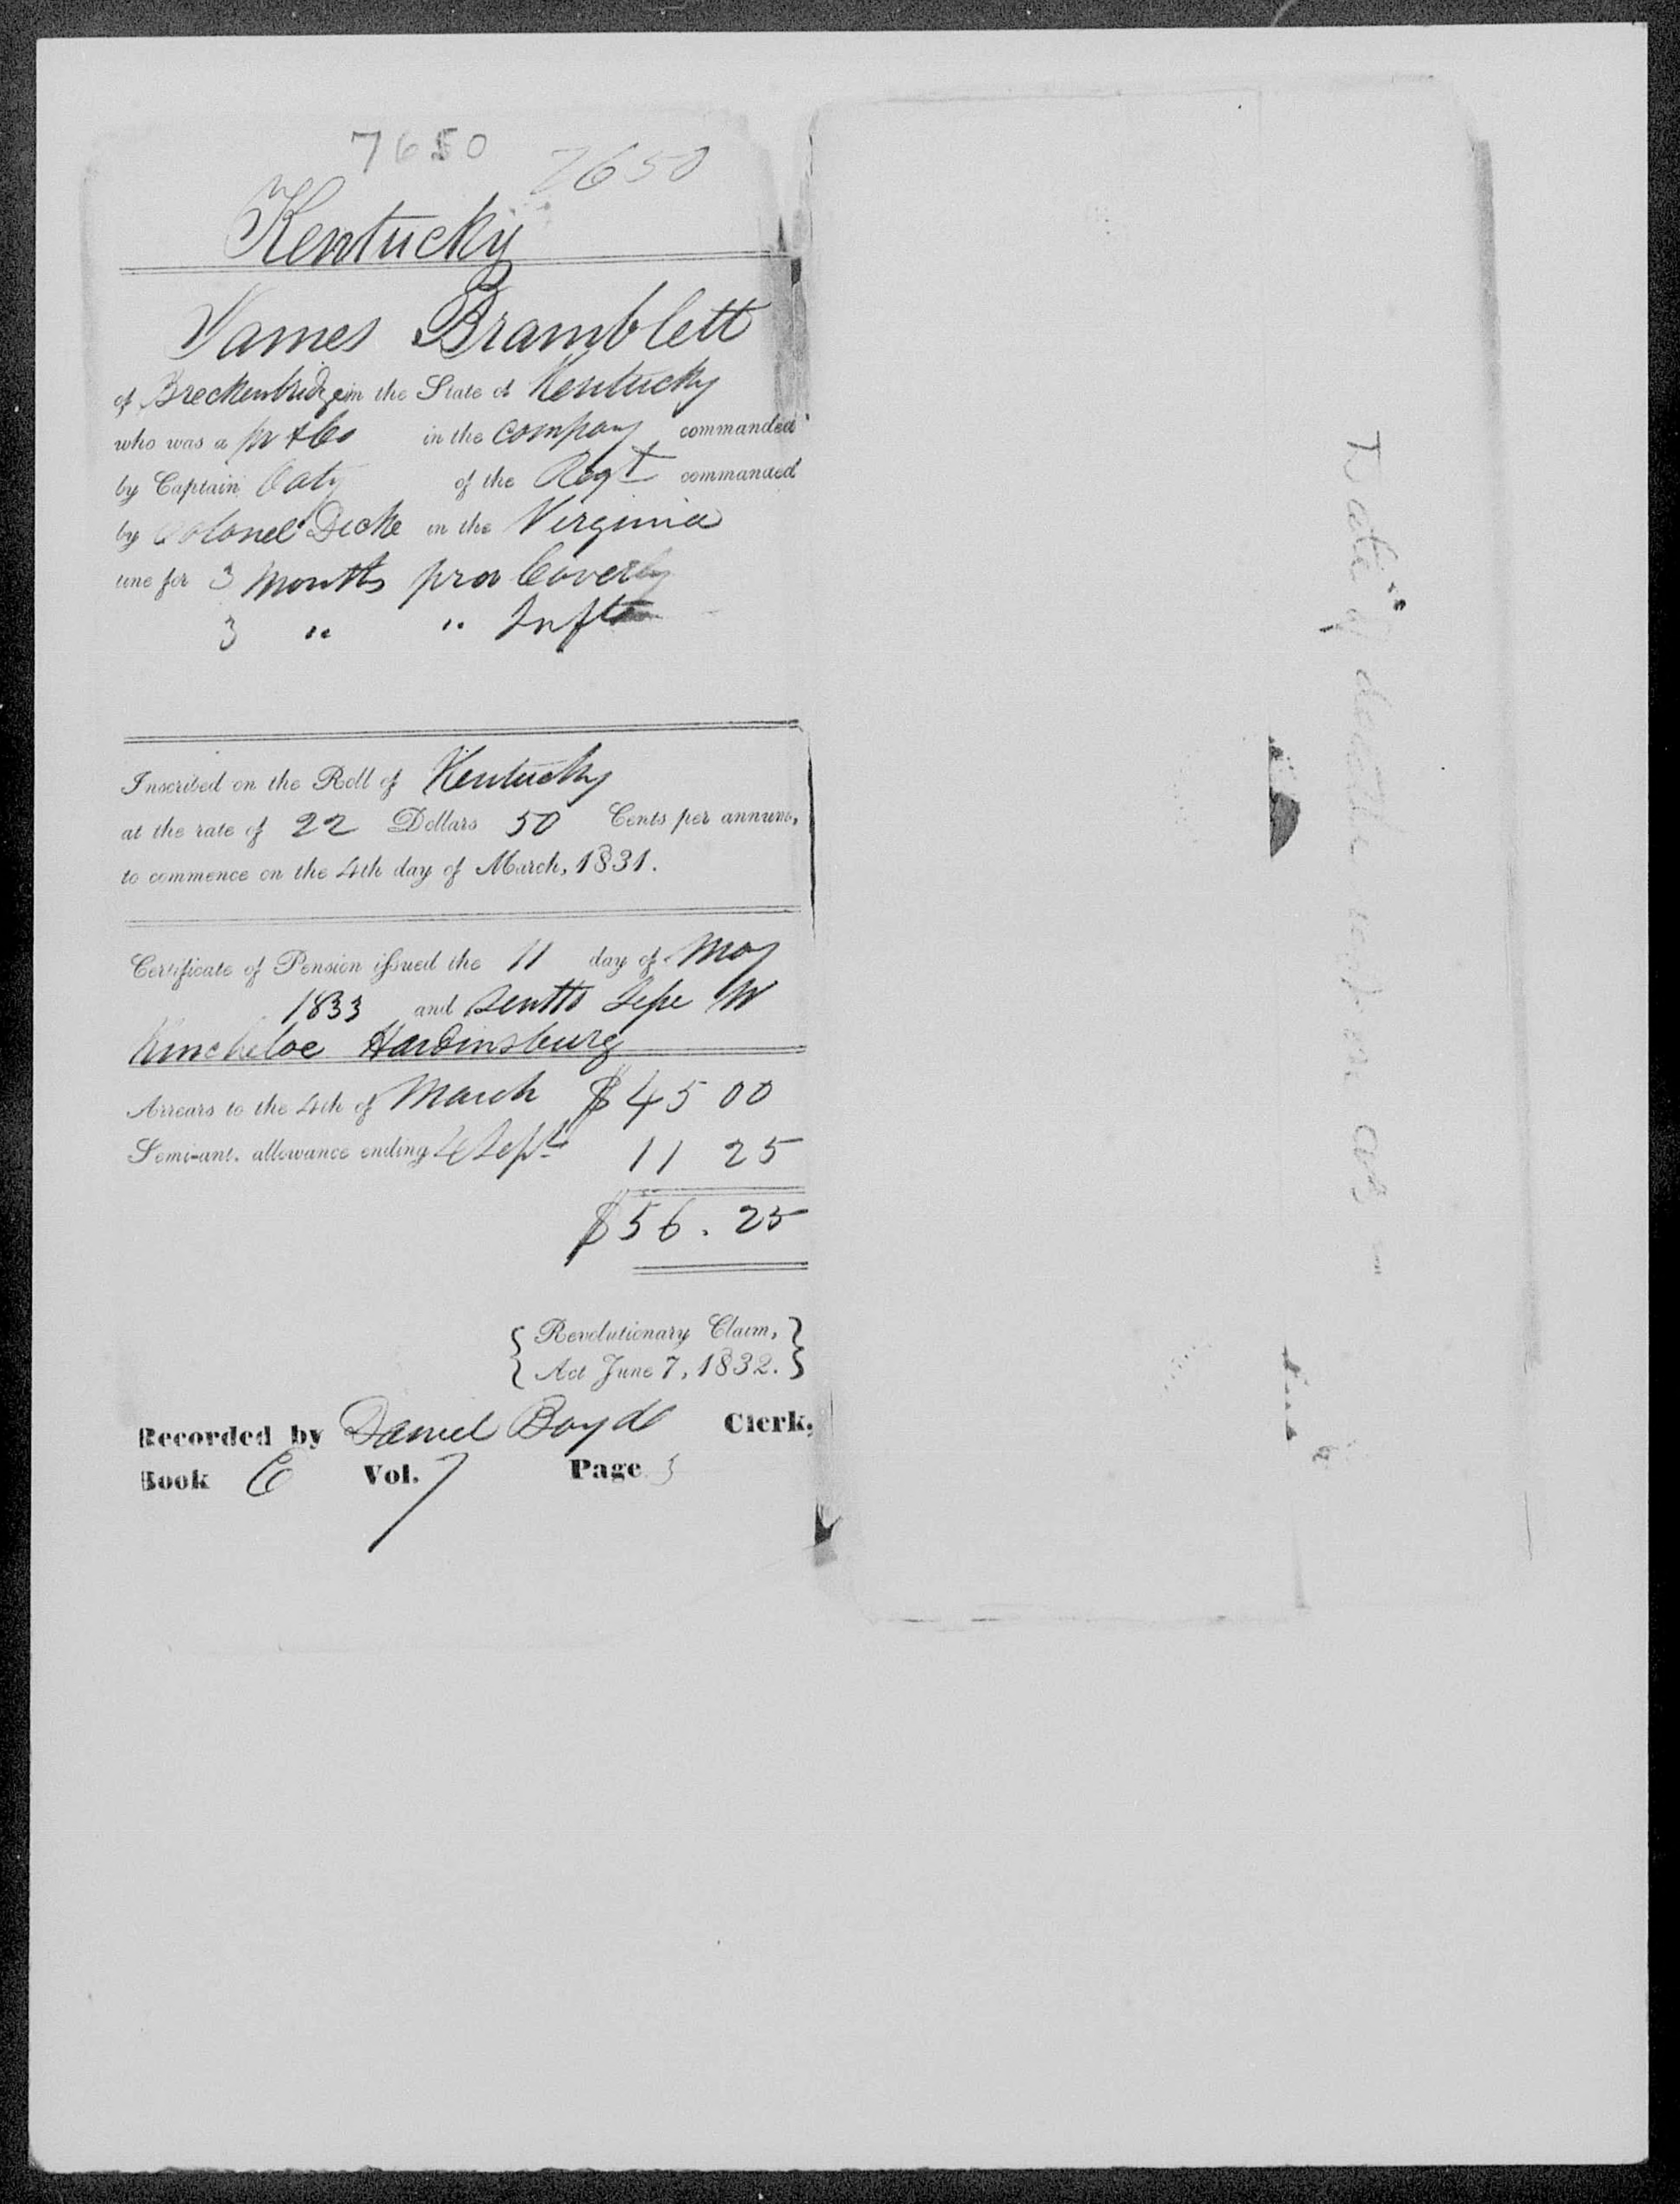7650
7650
Kentucky

James Bramblett
of Breckenbridge in the State of Kentucky
who was a pri & Co in the Company commanded by Captain Oaty of the Regt. commanded
by Colonel Dicke in the Virginia
line for 3 months priv Cavalry
3 " " Infty

Inscribed on the Roll of Kentucky
at the rate of 22 Dollars 5t0 Cents per annum,
to commence on the 4th day of March, 1831.

Certificate of Pension issued the 11 day of May 1833 and sent to Jesse W
Kincheloe Hardinsburg

Arrears to the 4th of March $45 00
Semi-anl. allowance ending 4 Sept. 11 25
$56.25
{Revolutionary Claim,
Act June 7, 1832.}
Recorded by Daniel Boyd Clerk,
Book E Vol. 7 Page 3

Date of death not on AB -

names: Oaty, Jesse W Kincheloe, Daniel Boyd, James Bramblett, Dicke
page: 2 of 30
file: S, 14,996, James Bramblett, Va.